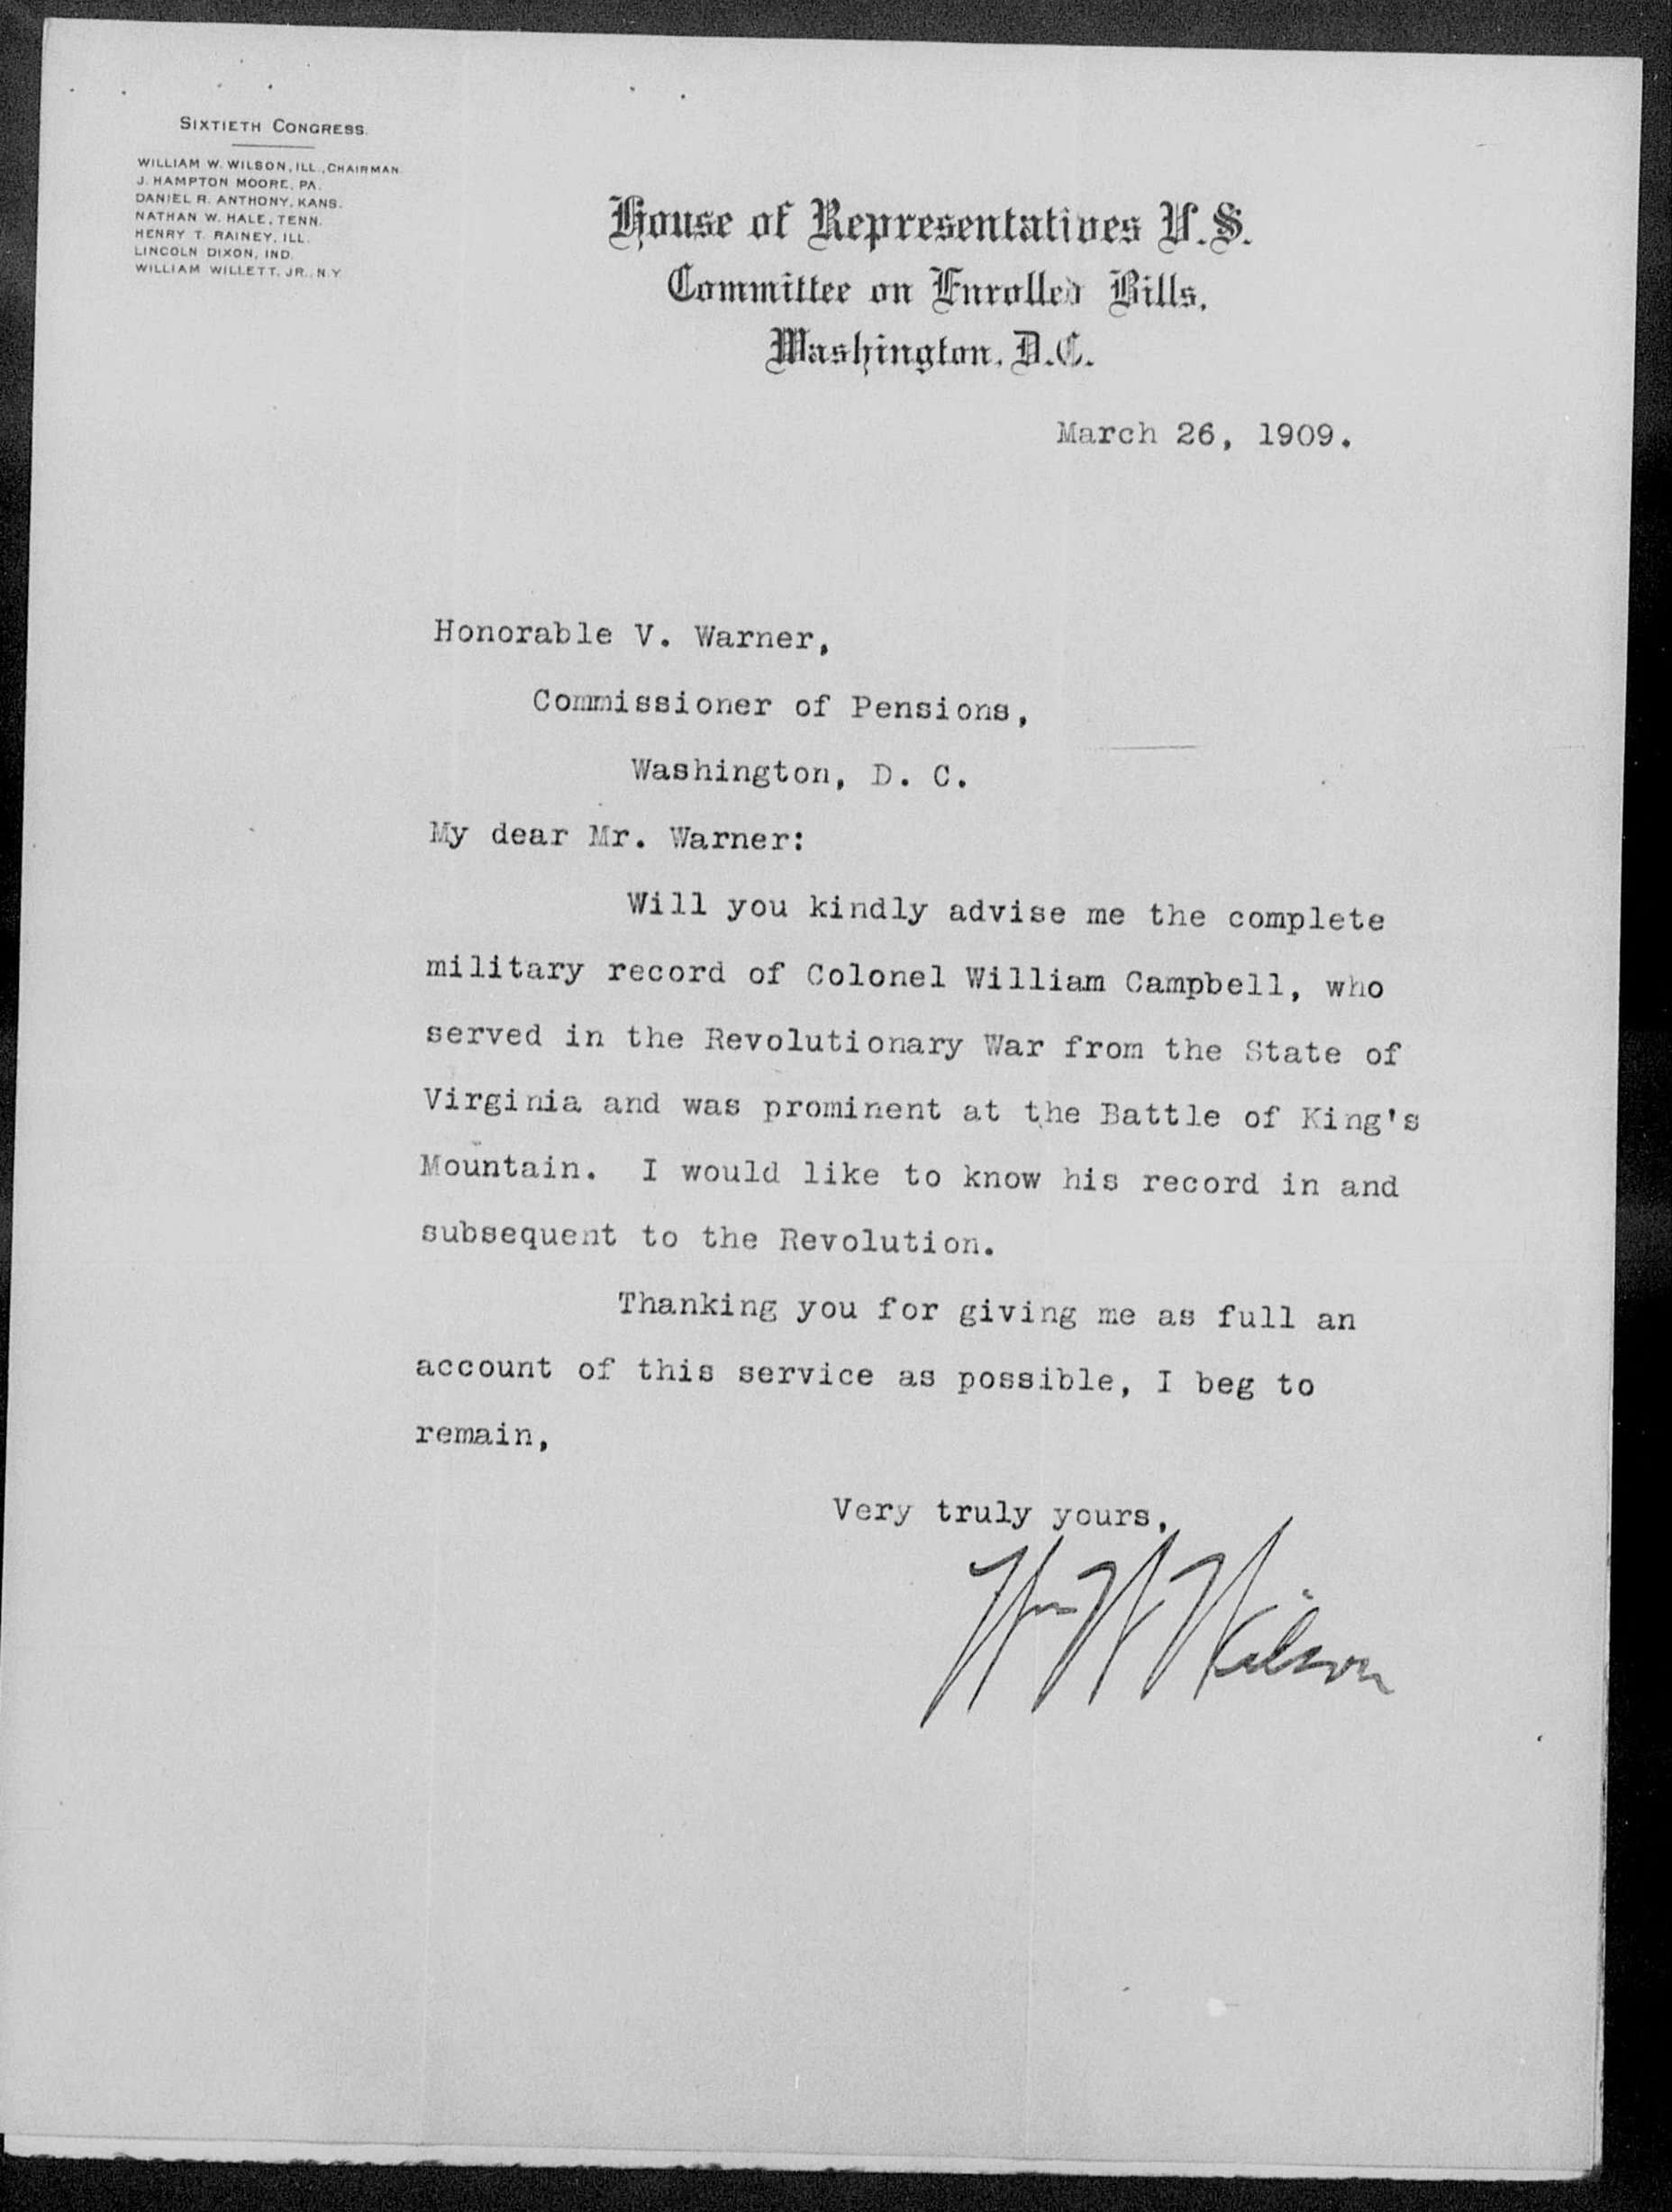[header]
House of Representatives U.S.
Committee on Enrolled Bills,
Washington, D.C.
SIXTIETH CONGRESS
___
WILLIAM W. WILSON, ILL., CHAIRMAN
J. HAMPTON MOORE, PA.
DANIEL R. ANTHONY, KANS.
NATHAN W. HALE, TENN.
HENRY T. RAINEY, ILL.
LINCOLN DIXON, IND.
WILLIAM WILLETT, JR., N. Y.

[typed body]
March 26, 1909.

Honorable V. Warner,
Commissioner of Pensions,
Washington, D. C.
My dear Mr. Warner:
Will you kindly advise me the complete military record of Colonel William Campbell, who served in the Revolutionary War from the State of Virginia and was prominent at the Battle of King's Mountain. I would like to know his record in and subsequent to the Revolution.
Thanking you for giving me as full an account of this service as possible, I beg to remain,
Very truly yours,
[signed] W W Wilson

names: Nathan W Hall, V Warner, Daniel R Anthony, Wm W Wilson, J Hampton Moore, William Campbell, William W Wilson, William Willett, Henry T Rainey, Warner, Lincoln Dixon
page: 148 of 267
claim: widow's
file: W. 4,149, William Campbell, Va.